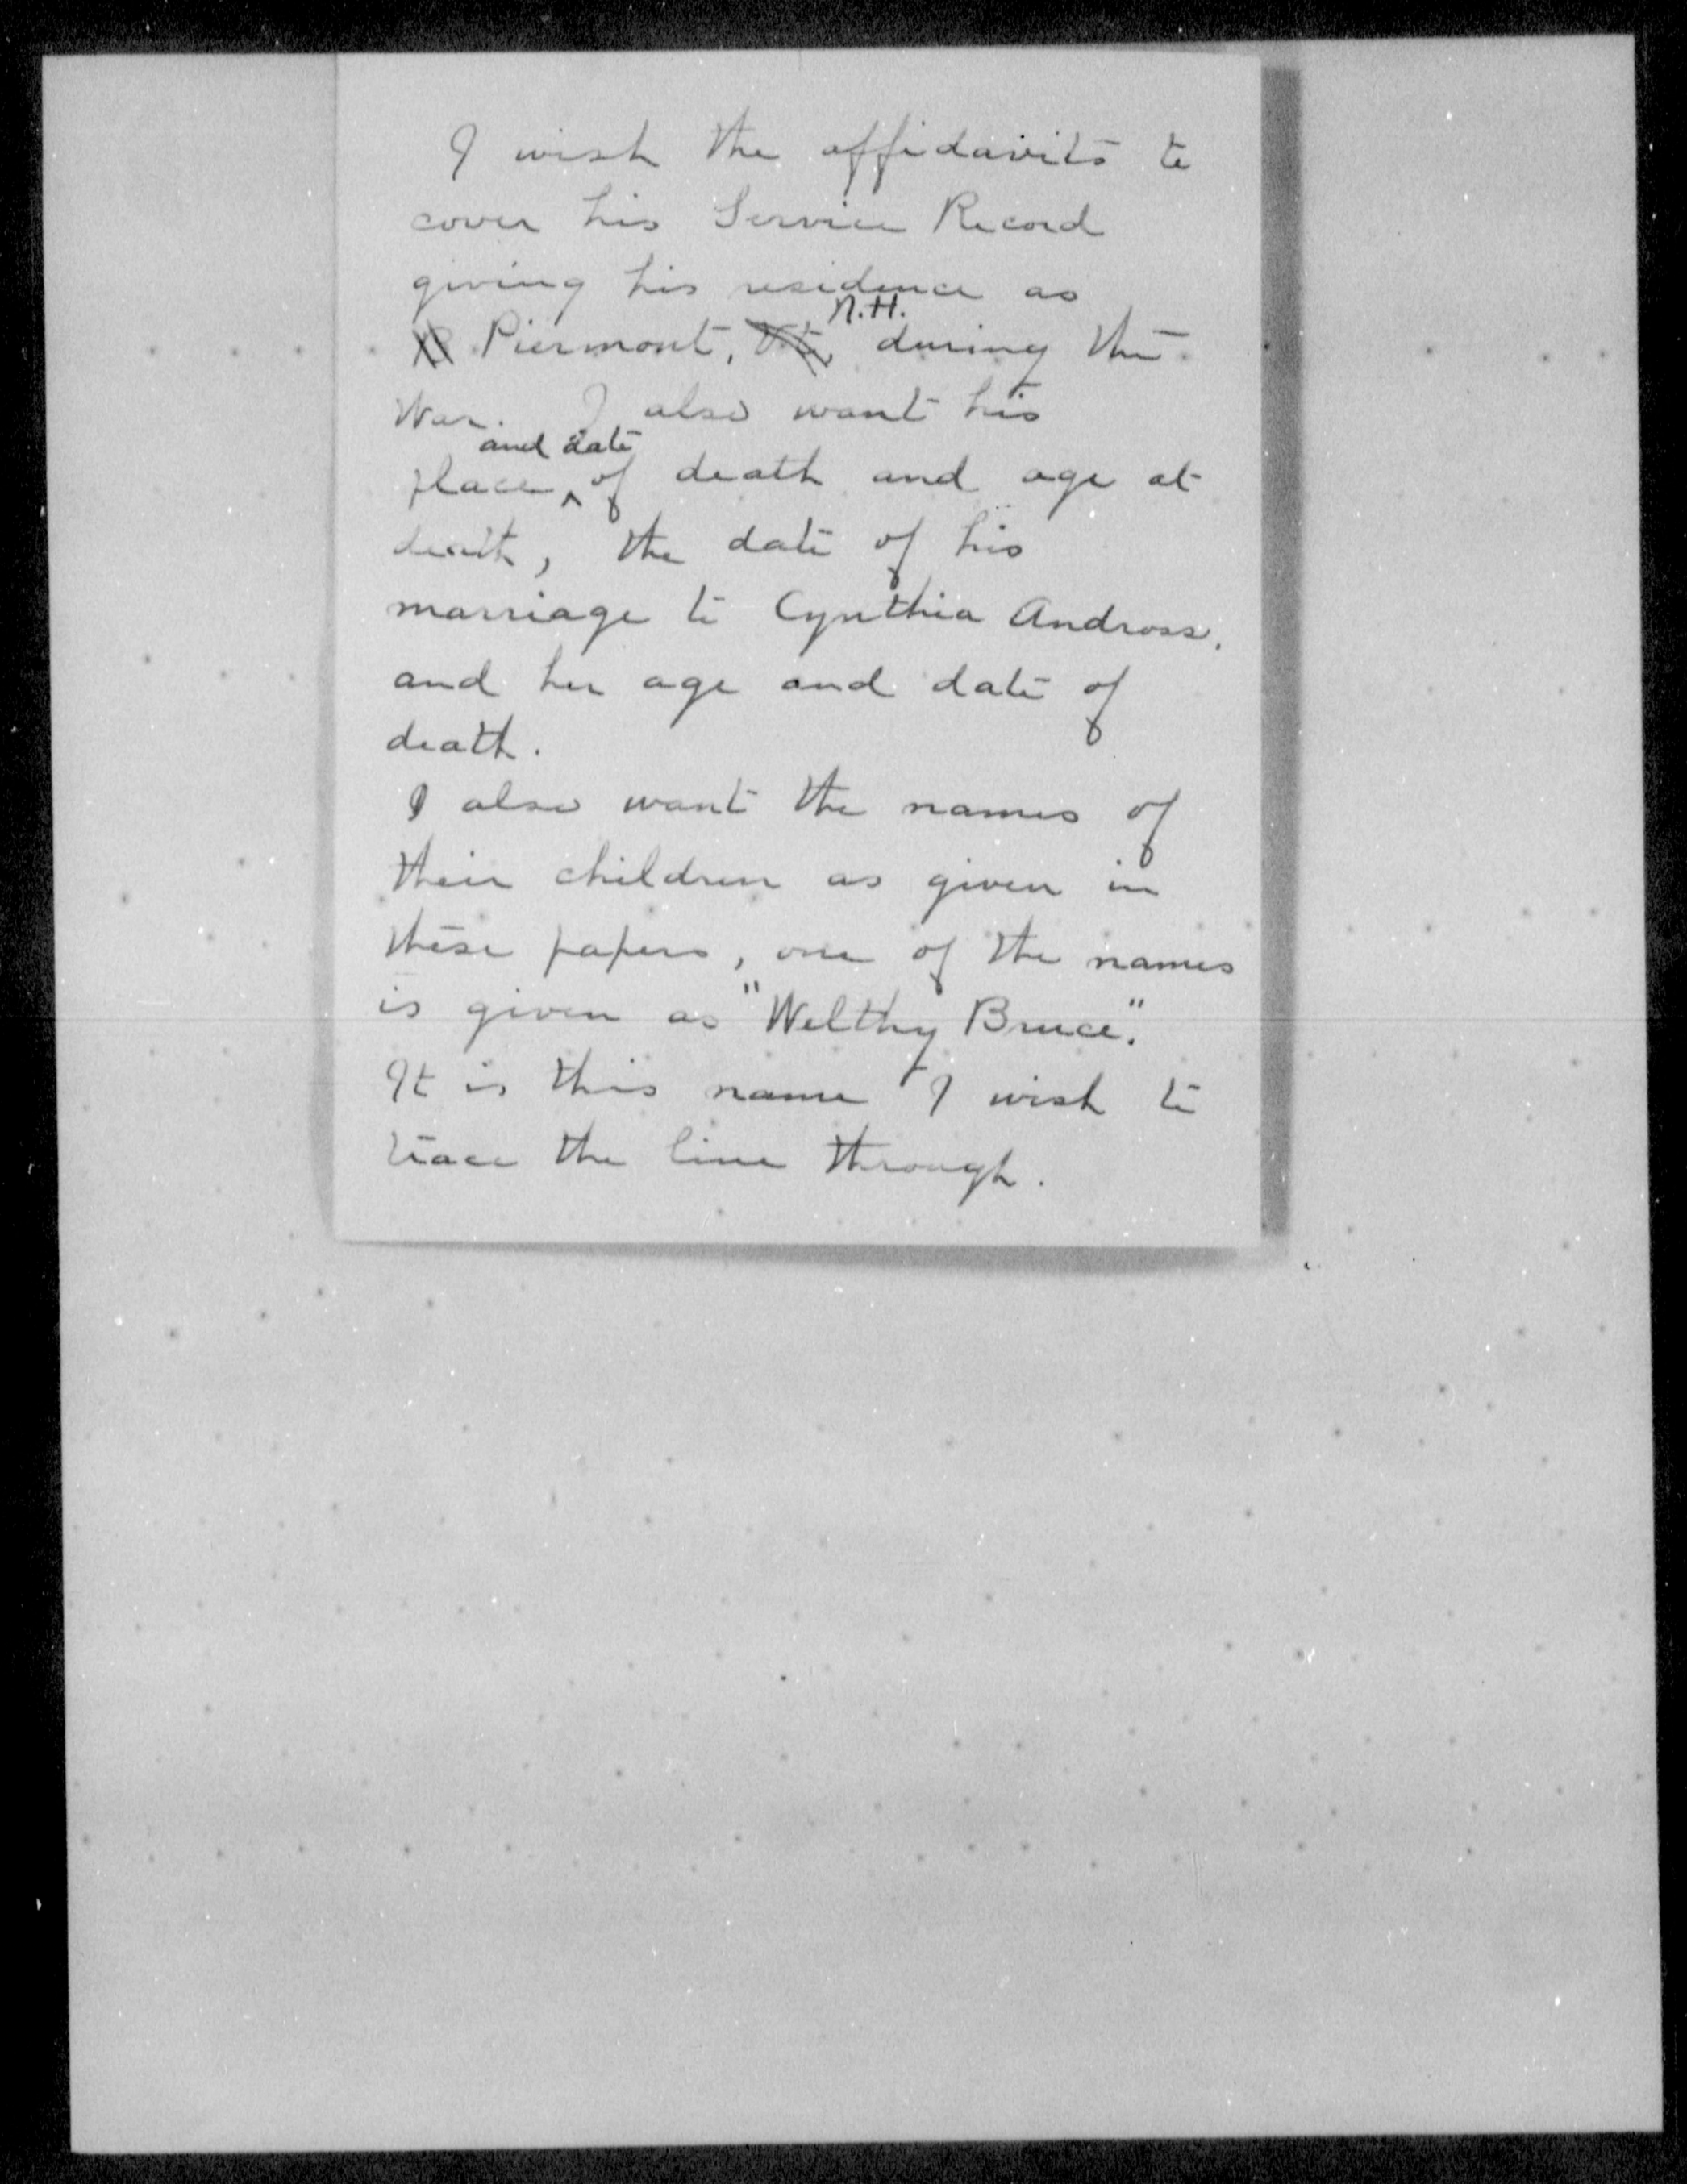I wish the affidavits to cover his Service Record
giving his residence as Piermont, N.H. during the
War.
I also want his place and date of death and age at death, the date of his marriage to Cynthia Andross and her age and date of death.
I also want the names of their children as given in these papers, one of the names is given as "Welthy [WEALTHY] Bruce."
It is this name I wish to trace the line through.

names: Cynthia Andross; Welthy Bruce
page: 107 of 109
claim: widow's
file: W. 5709, for Thomas Richards, New Hampshire